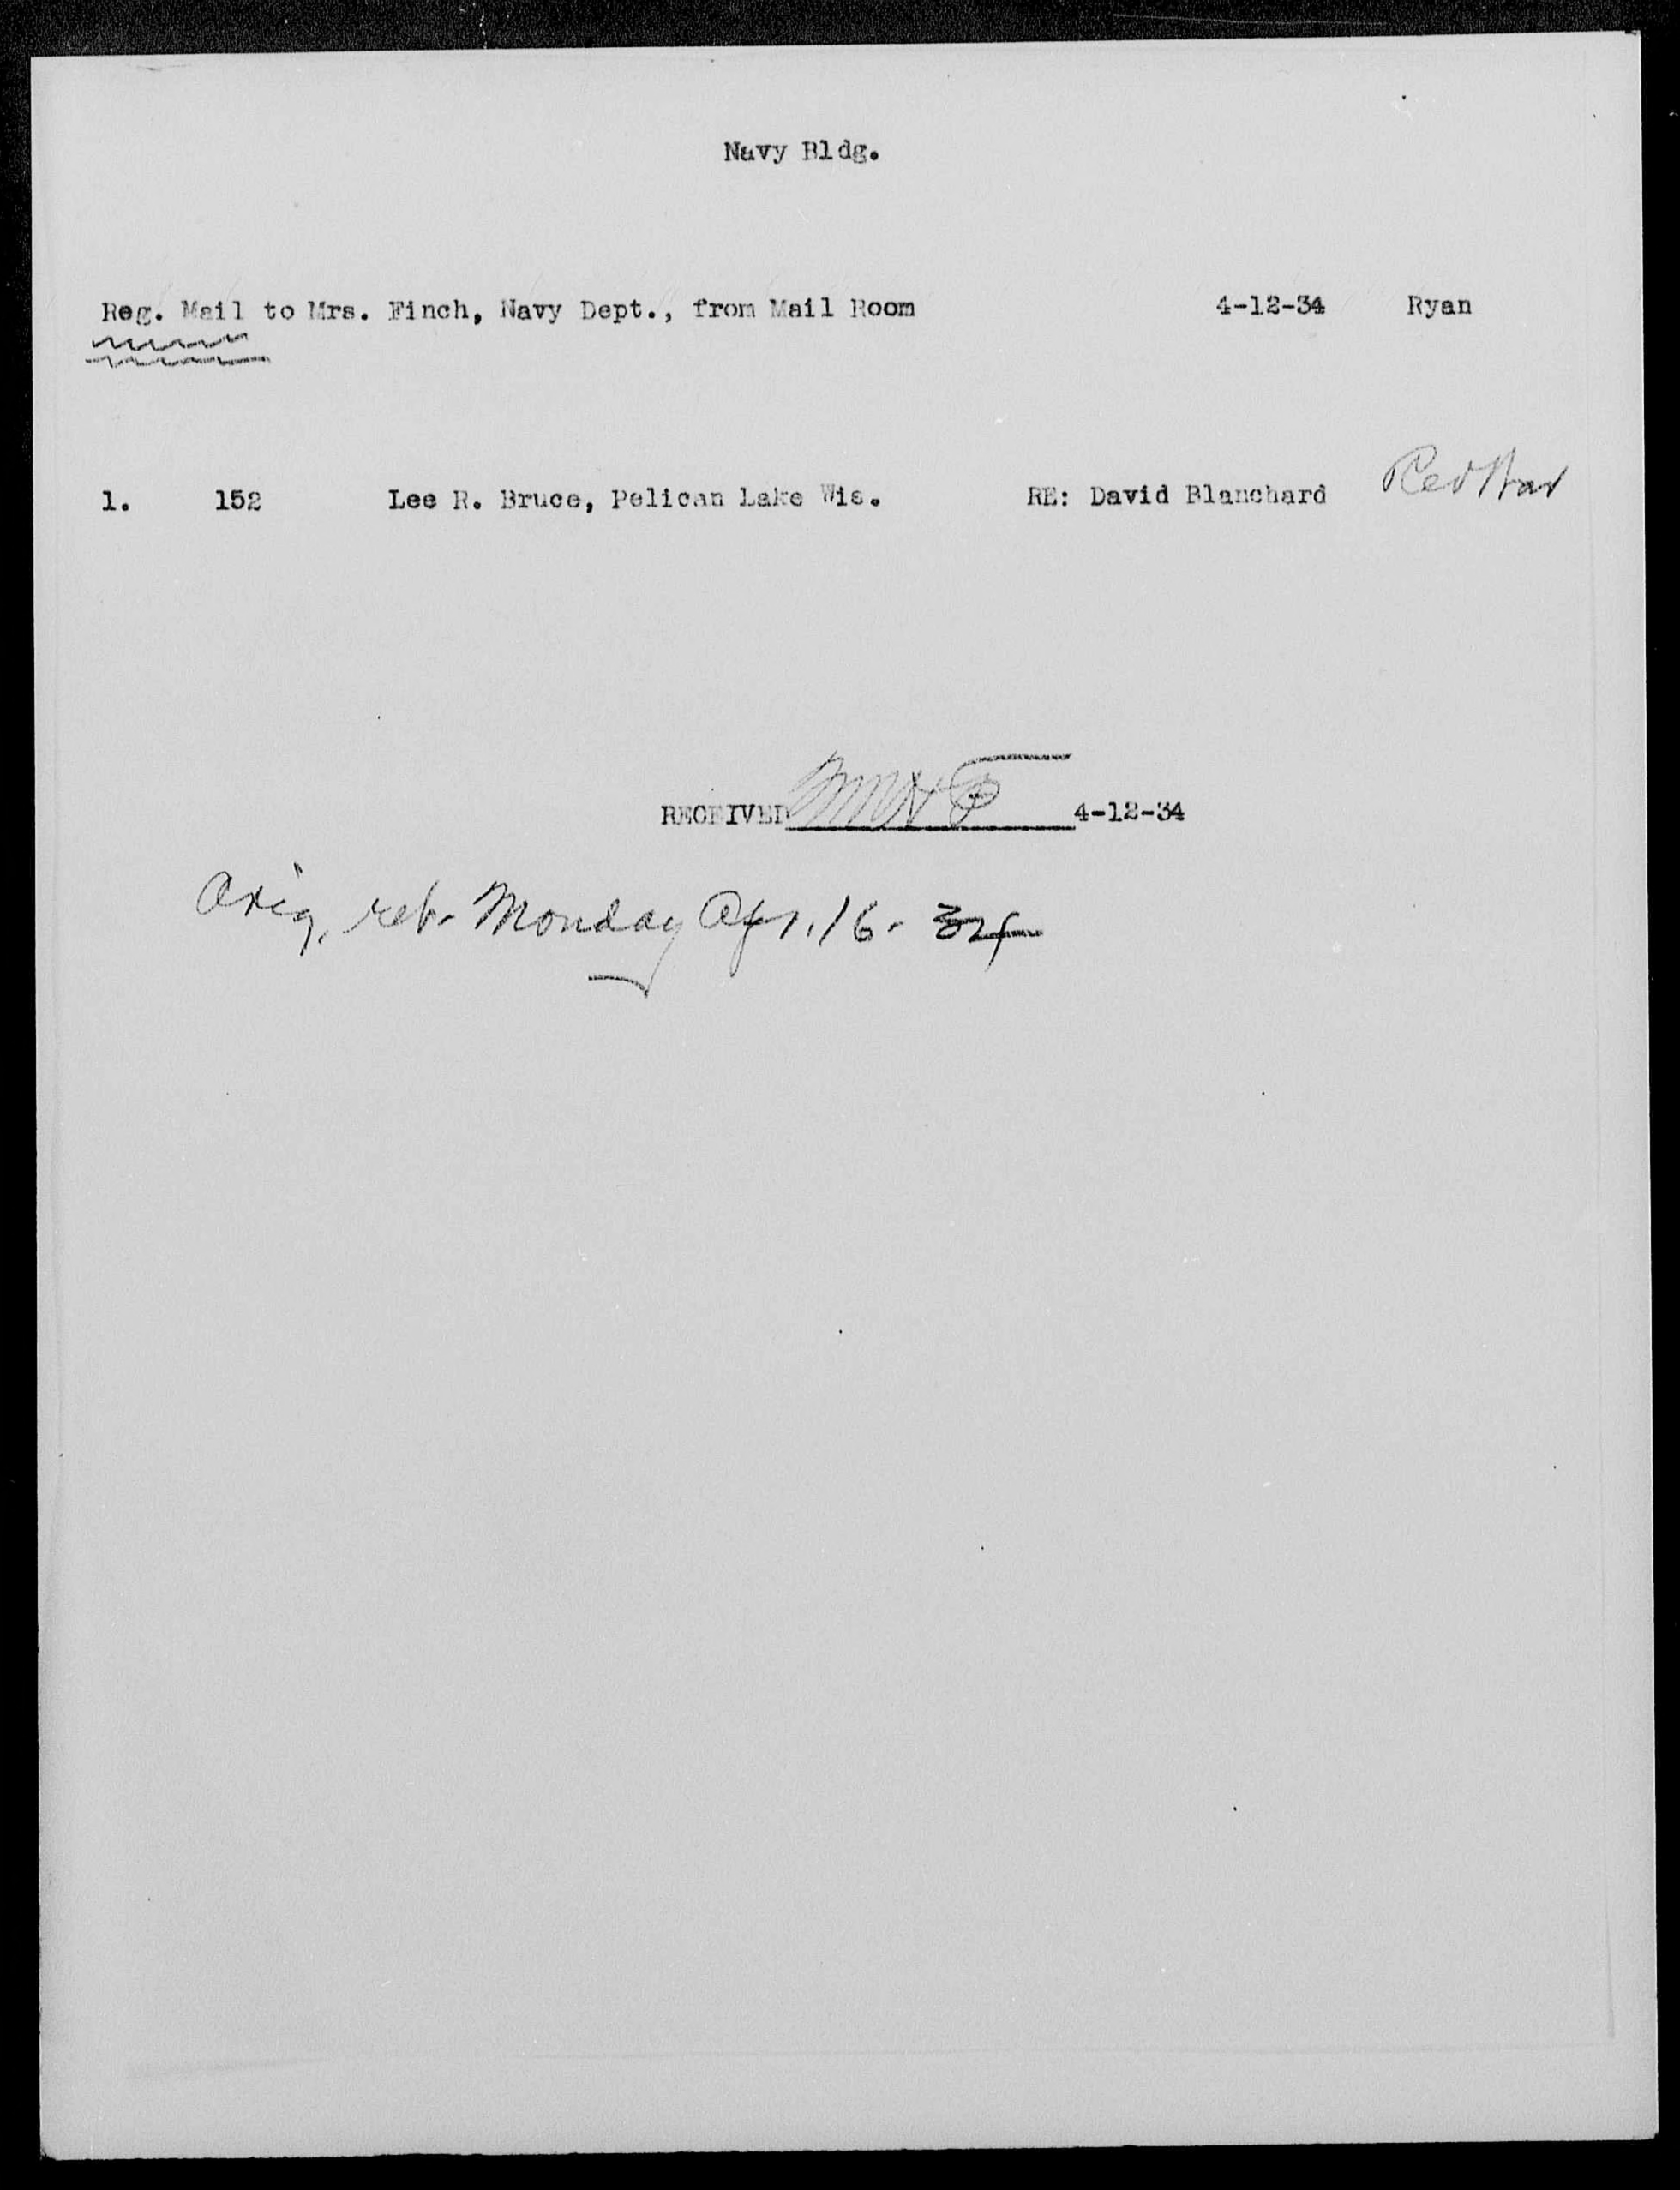Navy Bldg.
Reg. Mail to Mrs. Finch, Navy Dept., from Mail Room 4-12-34 Ryan
!. 152 Lee R Bruce, Pelican Lake Wis. RE: David Blanchard Rev War
Received M H F 4-12-34
Orig ret. Monday Apr. 16, 34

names: Lee R Bruce, David Blanchard, Finch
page: 11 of 23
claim: survivor's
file: S. 12237, David Blanchard, N. H.